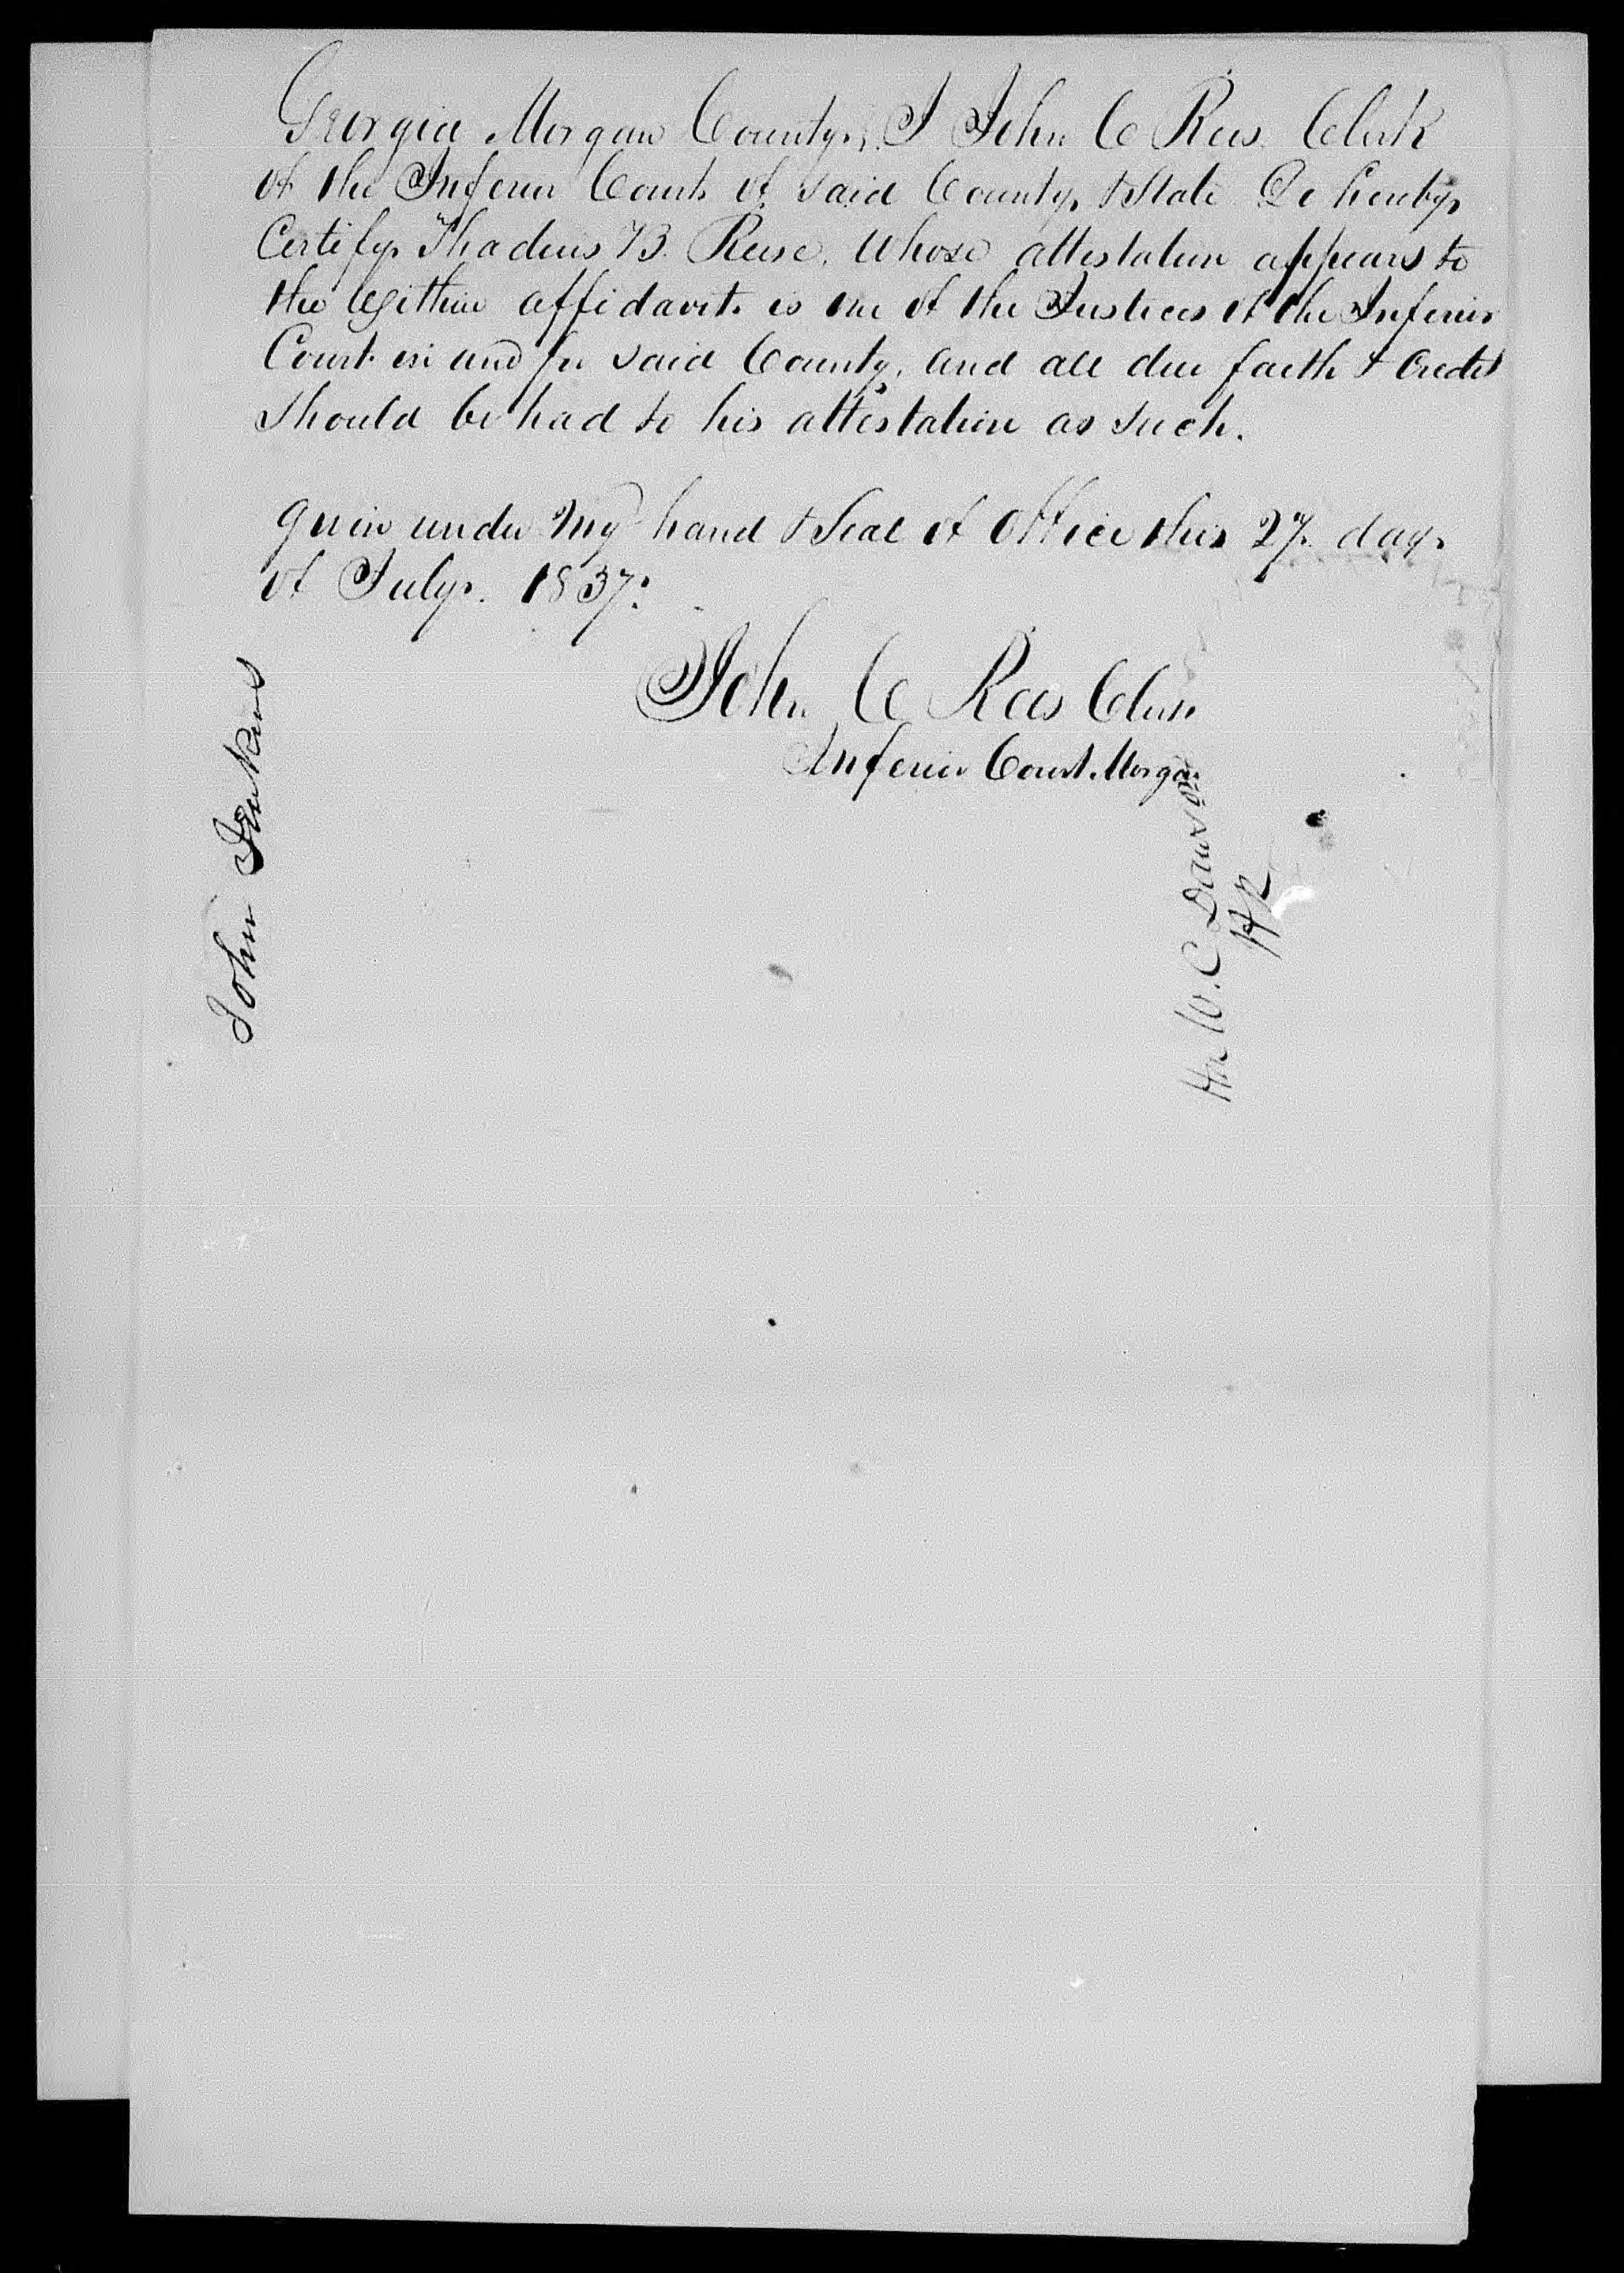Georgia Morgan County I John C Reis Clerk
of the Inferior Court of said County & State Do hereby Certify Thadeus B. Reese, whose attestation appears to the within affidavit is one of the Justices of the Inferior Court in and for said County, and all due faith & credit should be had to his attestation as such.
Given under My hand & Seal of Office this 27 day of July 1837:
John C. Reis Clerk
Inferior Court Morgan
[*Hon W.C Dawson HR*] [*John Jenkins*]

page: 46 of 55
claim: widow's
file: W. 7894, for John Jenkins, Virginia